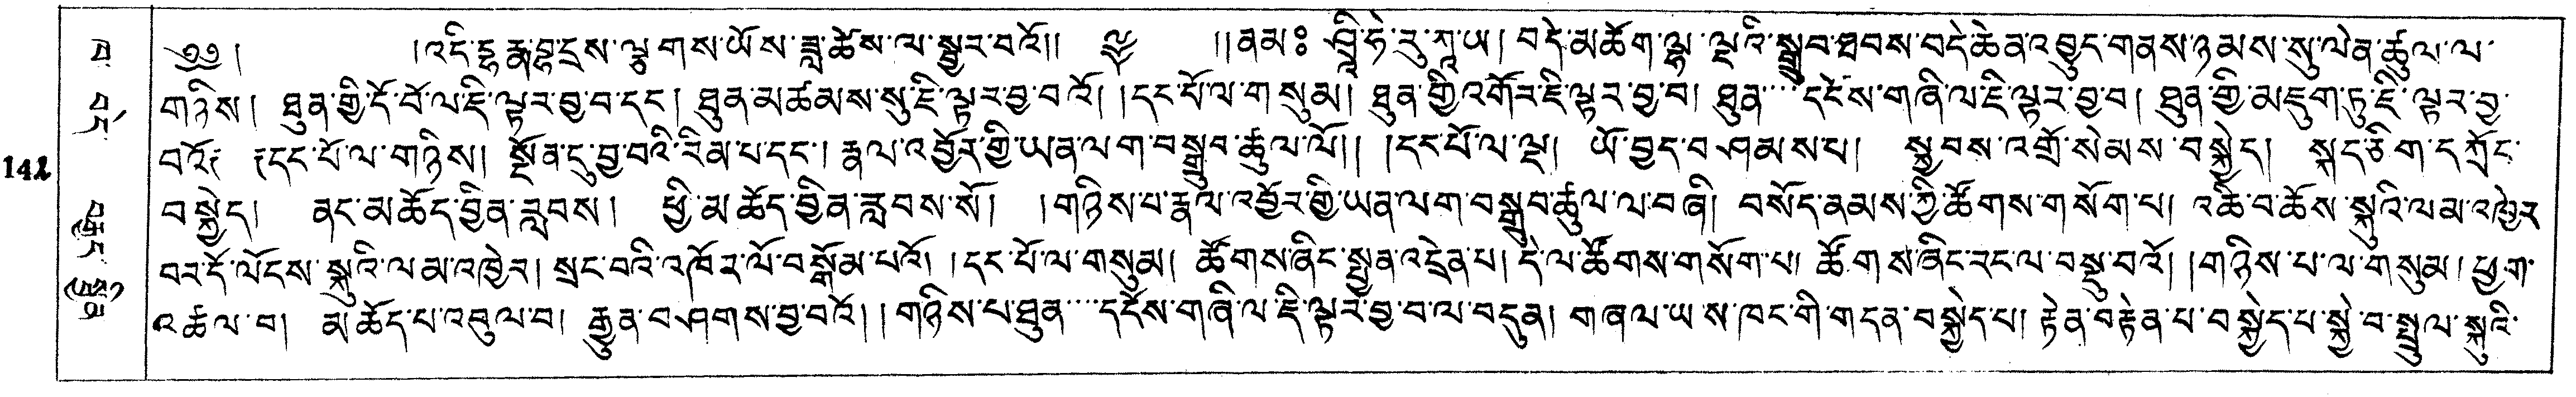༄༅། །འདི་དྷརྨ་བྷ་དྲས་ལྕགས་ཡོས་ཟླ་ཚེས་ལ་སྦྱར་བའོ།། ༈ །།ནམཿ ཤྲཱི་ཧེ་རུ་ཀཱ་ཡ། བདེ་མཆོག་ལྷ་ལྔའི་སྒྲུབ་ཐབས་བདེ་ཆེན་འབྱུང་གནས་ཉམས་སུ་ལེན་ཚུལ་ལ་
གཉིས། ཐུན་གྱི་ངོ་བོ་ལ་ཇི་ལྟར་བྱ་བ་དང་། ཐུན་མཚམས་སུ་ཇི་ལྟར་བྱ་བའོ། །དང་པོ་ལ་གསུམ། ཐུན་གྱི་འགོར་ཇི་ལྟར་བྱ་བ། ཐུན་དངོས་གཞི་ལ་ཇི་ལྟར་བྱ་བ། ཐུན་གྱི་མཇུག་ཏུ་ཇི་ལྟར་བྱ་
བའོ༑ ༑དང་པོ་ལ་གཉིས། སྔོན་དུ་བྱ་བའི་རིམ་པ་དང་། རྣལ་འབྱོར་གྱི་ཡན་ལག་བསྒྲུབ་ཚུལ་ལོ། །དང་པོ་ལ་ལྔ། ཡོ་བྱད་བཤམས་པ། སྐྱབས་འགྲོ་སེམས་བསྐྱེད། སྐད་ཅིག་དཀྲོང་
བསྐྱེད། ནང་མཆོད་བྱིན་རླབས། ཕྱི་མཆོད་བྱིན་རླབས་སོ། །གཉིས་པ་རྣལ་འབྱོར་གྱི་ཡན་ལག་བསྒྲུབ་ཚུལ་ལ་བཞི། བསོད་ནམས་ཀྱི་ཚོགས་གསོག་པ། འཆི་བ་ཆོས་སྐུའི་ལམ་འཁྱེར་
བར་དོ་ལོངས་སྐུའི་ལམ་འཁྱེར། སྲང་བའི་འཁོར་ལོ་བསྒོམ་པའོ། །དང་པོ་ལ་གསུམ། ཚོགས་ཞིང་སྤྱན་འདྲེན་པ། དེ་ལ་ཚོགས་གསོག་པ། ཚོགས་ཞིང་རང་ལ་བསྡུ་བའོ། །གཉིས་པ་ལ་གསུམ། ཕྱག་
འཚལ་བ། མཆོད་པ་འབུལ་བ། རྒྱུན་བཤགས་བྱ་བའོ། །གཉིས་པ་ཐུན་དངོས་གཞི་ལ་ཇི་ལྟར་བྱ་བ་ལ་བདུན། གཞལ་ཡ་ས་ཁང་གི་གདན་བསྐྱེད་པ། རྟེན་བརྟེན་པ་བསྐྱེད་པ་སྐྱེ་བ་སྤྲུལ་སྐུའི་